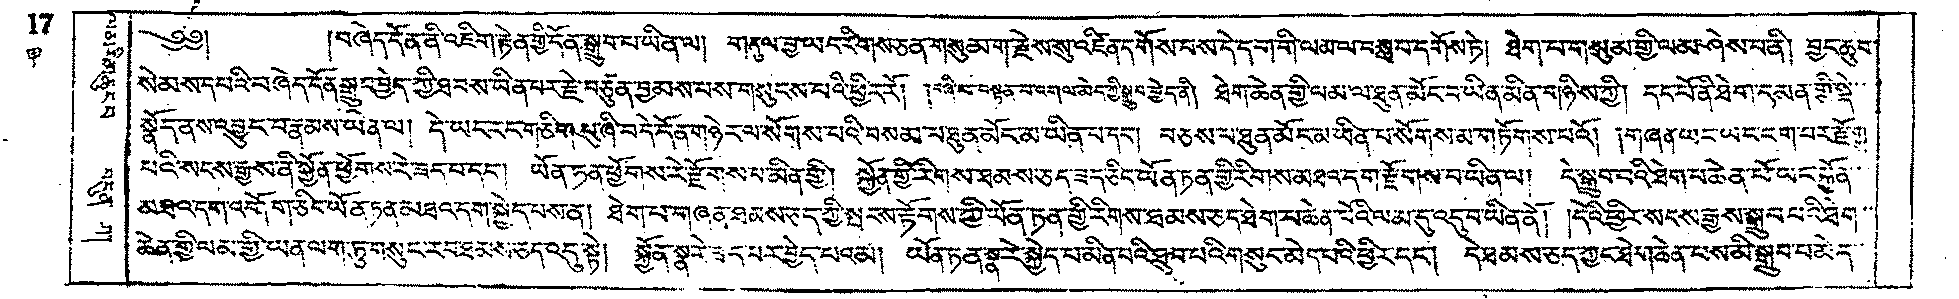༄༅། །བཞེད་དོན་ནི་འཇིག་རྟེན་གྱི་དོན་སྒྲུབ་པ་ཡིན་ལ། གདུལ་བྱ་ཡང་རིགས་ཅན་གསུམ་ག་རྗེས་སུ་འཛིན་དགོས་བས་དེ་དག་གི་ལམ་ལ་བསླབ་དགོས་ཏེ། ཐེག་པ་གསུམ་གྱི་ལམ་ཤེས་པ་ནི། བྱང་ཆུབ་
སེམས་དཔའི་བཞེད་དོན་སྒྲུབ་བྱེད་ཀྱི་ཐབས་ཡིན་པར་རྗེ་བཙུན་བྱམས་པས་གསུངས་པའི་ཕྱིར་རོ། ། བཞི་པ་བསྟན་པ་འགལ་མེད་ཀྱི་སྒྲུབ་བྱེད་ནི། ཐེག་ཆེན་གྱི་ལམ་ལ་ཐུན་མོང་བ་ཡིན་མིན་གཉིས་ཀྱི། དང་པོ་ནི་ཐེག་དམན་གྱི་ལྡེ་
སྣོད་ནས་འབྱུང་བ་རྣམས་ཡིན་ལ། དེ་ཡང་རང་གཅིག་པུ་ཞི་བདེ་དོན་གཉེར་ལ་སོགས་པའི་བསམ་པ་ཐུན་མོང་མ་ཡིན་པ་དང་། བཅས་པ་ཐུན་མོང་མ་ཡིན་པ་སོགས་མ་གཏོགས་པའོ། །གཞན་ཡང་ཡང་དག་པར་རྫོགས་
པའི་སངས་རྒྱས་ནི་སྐྱོན་ཕྱོགས་རེ་ཟད་པ་དང་། ཡོན་ཏན་ཕྱོགས་རེ་རྫོགས་པ་མིན་གྱི། སྐྱོན་གྱི་རིགས་ཐམས་ཅད་ཟད་ཅིང་ཡོན་ཏན་གྱི་རིགས་མཐའ་དག་རྫོགས་པ་ཡིན་ལ། དེ་སྒྲུབ་པའི་ཐེག་པ་ཆེན་པོ་ཡང་སྐྱོན་
མཐའ་དག་འགོག་ཅིང་ཡོན་ཏན་མཐའ་དག་སྐྱེད་པས་ན། ཐེག་པ་གཞན་ཐམས་ཅད་ཀྱི་སྤངས་རྟོགས་ཀྱི་ཡོན་ཏན་གྱི་རིགས་ཐམས་ཅད་ཐེག་པ་ཆེན་པོའི་ལམ་དུ་འདུ་བ་ཡིན་ནོ། །དེའི་ཕྱིར་སངས་རྒྱས་སྒྲུབ་པའི་ཐེག་
ཆེན་གྱི་ལམ་གྱི་ཡན་ལག་ཏུ་གསུང་རབ་ཐམས་ཅད་འདུ་སྟེ། སྐྱོན་སྣ་རེ་ཟད་པར་བྱེད་པའམ། ཡོན་ཏན་སྣ་རེ་སྐྱེད་པ་མིན་པའི་ཐུབ་པའི་གསུང་མེད་པའི་ཕྱིར་དང་། དེ་ཐམས་ཅད་ཀྱང་ཐེག་ཆེན་པས་མི་སྒྲུབ་པ་མེད་